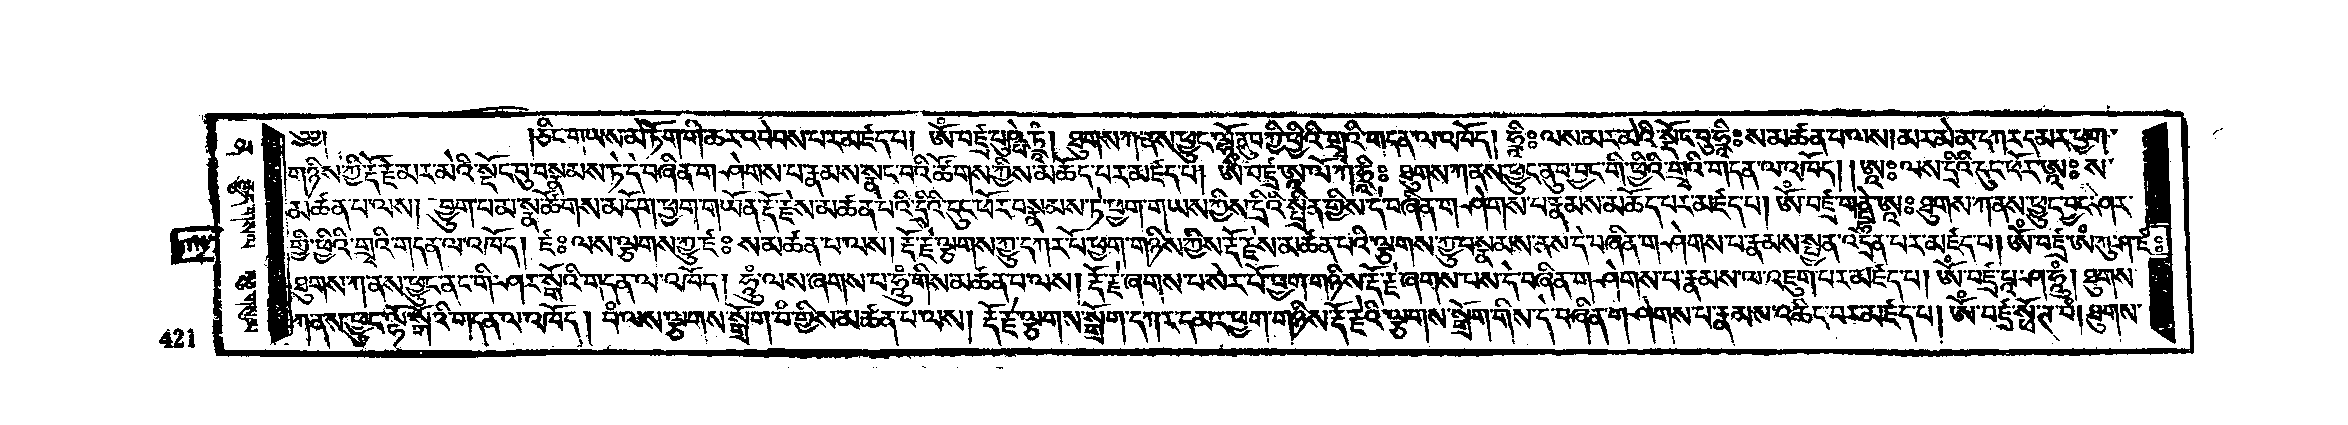༄༅། །ཅིང་གཡས་མེ་ཏོག་གི་ཆར་འབེབས་པར་མཛད་པ། ཨོཾ་བཛྲ་པུཥྤེ་ཏྲཱཾ། ཐུགས་ཀ་ནས་ཕྱུང་ལྷོ་ནུབ་ཀྱི་ཕྱིའི་གྲྭའི་གདན་ལ་འཁོད། ཧྲིའིཿ ལས་མར་མེའི་སྡོང་བུ་ཧྲཱིཿ ས་མཚན་པ་ལས། མར་མེ་མ་དཀར་དམར་ཕྱག་
གཉིས་ཀྱི་རྡོ་རྗེ་མར་མེའི་སྡོང་བུ་བསྣམས་ཏེ་དེ་བཞིན་གཤེགས་པ་རྣམས་སྣང་བའི་ཚོགས་ཀྱིས་མཆོད་པར་མཛད་པ། ཨོཾ་བཛྲ་ཨཱ་ལོ་ཀི་ཧྲཱིཿ ཐུགས་ཀ་ནས་ཕྱུང་ནུབ་བྱང་གི་ཕྱིའི་གྲྭའི་གདན་ལ་འཁོད། །ཨཱཿ ལས་དྲིའི་དུང་ཕོར་ཨཱཿ ས་
གྱི་ཕྱིའི་གྲྭའི་གདན་ལ་འཁོད། ཛཿ ལས་ལྕགས་ཀྱུ་ཛཿ ས་མཚན་པ་ལས། རྡོ་རྗེ་ལྕགས་ཀྱུ་དཀར་པོ་ཕྱག་གཉིས་ཀྱིས་རྡོ་རྗེས་མཚན་པའི་ལྕགས་ཀྱུ་བསྣམས་ནས་དེ་བཞིན་གཤེགས་པ་རྣམས་སྤྱན་འདྲེན་པར་མཛད་པ། ཨོཾ་བཛྲ་ཨཾ་ཀུ་ཤ་ཛཿ
ཐུགས་ཀ་ནས་ཕྱུང་ནང་གི་ཤར་སྒོའི་གདན་ལ་འཁོད། ཧཱུཾ་ལས་ཞགས་པ་ཧཱུཾ་གིས་མཚན་པ་ལས། རྡོ་རྗེ་ཞགས་པ་སེར་པོ་ཕྱག་གཉིས་རྡོ་རྗེ་ཞགས་པས་དེ་བཞིན་གཤེགས་པ་རྣམས་ལ་འཇུག་པར་མཛད་པ། ཨོཾ་བཛྲ་པཱ་ཤ་ཧཱུཾ། ཐུགས་
ཀ་ནས་ཕྱུང་ལྷོ་སྒོའི་གདན་ལ་འཁོད། བཾ་ལས་ལྕགས་སྒྲོག་བཾ་གྱིས་མཚན་པ་ལས། རྡོ་རྗེ་ལྕགས་སྒྲོག་དཀར་དམར་ཕྱག་གཉིས་རྡོ་རྗེའི་ལྕགས་སྒྲོག་གིས་དེ་བཞིན་གཤེགས་པ་རྣམས་འཆིང་བར་མཛད་པ། ཨོཾ་བཛྲ་སྥོ་ཊ་བཾ། ཐུགས་